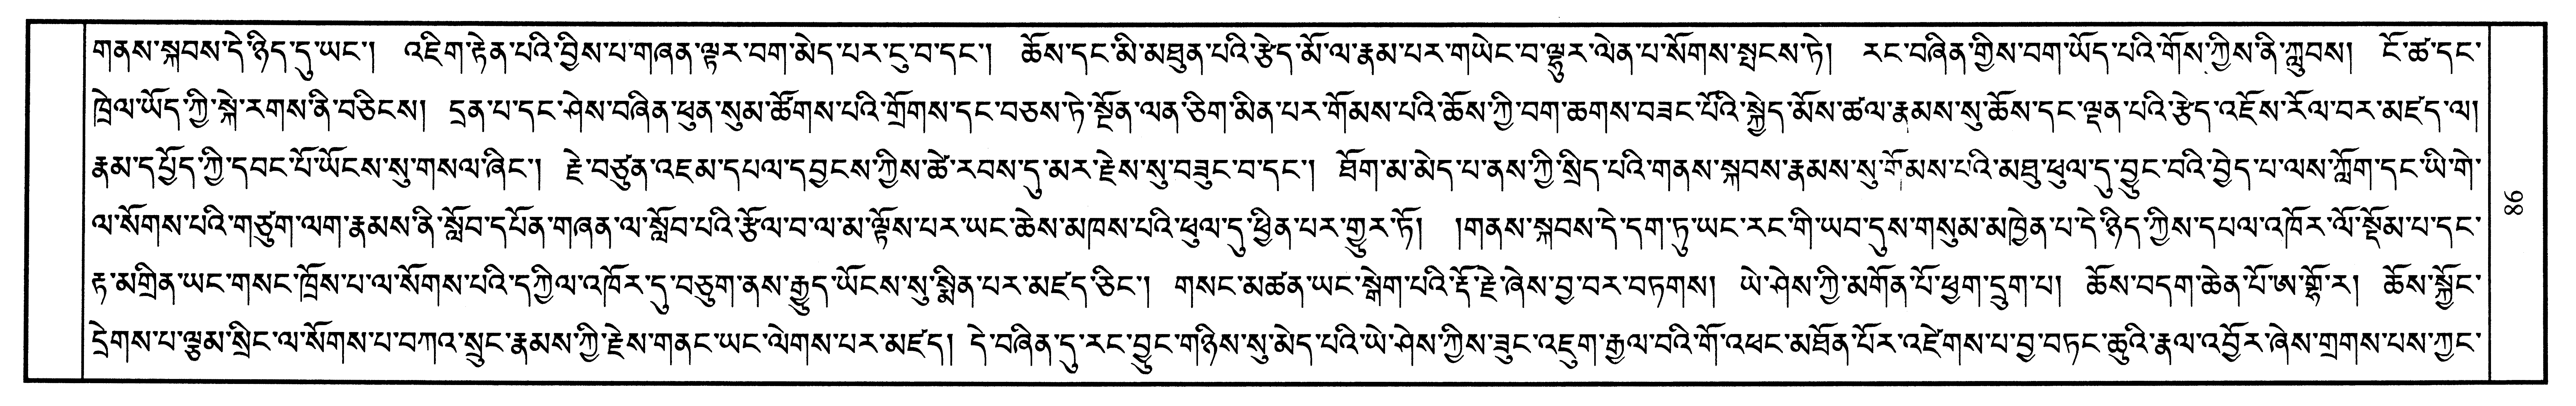གནས་སྐབས་དེ་ཉིད་དུ་ཡང་། འཇིག་རྟེན་པའི་བྱིས་པ་གཞན་ལྟར་བག་མེད་པར་ངུ་བ་དང་། ཆོས་དང་མི་མཐུན་པའི་རྩེད་མོ་ལ་རྣམ་པར་གཡེང་བ་ལྷུར་ལེན་པ་སོགས་སྤངས་ཏེ། རང་བཞིན་གྱིས་བག་ཡོད་པའི་གོས་ཀྱིས་ནི་ཀླུབས། ངོ་ཚ་དང་
ཁྲེལ་ཡོད་ཀྱི་སྐེ་རགས་ནི་བཅིངས། དྲན་པ་དང་ཤེས་བཞིན་ཕུན་སུམ་ཚོགས་པའི་གྲོགས་དང་བཅས་ཏེ་སྔོན་ལན་ཅིག་མིན་པར་གོམས་པའི་ཆོས་ཀྱི་བག་ཆགས་བཟང་པོའི་སྐྱེད་མོས་ཚལ་རྣམས་སུ་ཆོས་དང་ལྡན་པའི་རྩེད་འཇོས་རོལ་བར་མཛད་ལ།
རྣམ་དཔྱོད་ཀྱི་དབང་པོ་ཡོངས་སུ་གསལ་ཞིང་། རྗེ་བཙུན་འཇམ་དཔལ་དབྱངས་ཀྱིས་ཚེ་རབས་དུ་མར་རྗེས་སུ་བཟུང་བ་དང་། ཐོག་མ་མེད་པ་ནས་ཀྱི་སྲིད་པའི་གནས་སྐབས་རྣམས་སུ་གོམས་པའི་མཐུ་ཕུལ་དུ་བྱུང་བའི་བྱེད་པ་ལས་ཀློག་དང་ཡི་གེ་
ལ་སོགས་པའི་གཙུག་ལག་རྣམས་ནི་སློབ་དཔོན་གཞན་ལ་སློབ་པའི་རྩོལ་བ་ལ་མ་ལྟོས་པར་ཡང་ཆེས་མཁས་པའི་ཕུལ་དུ་ཕྱིན་པར་གྱུར་ཏོ། །གནས་སྐབས་དེ་དག་ཏུ་ཡང་རང་གི་ཡབ་དུས་གསུམ་མཁྱེན་པ་དེ་ཉིད་ཀྱིས་དཔལ་འཁོར་ལོ་སྡོམ་པ་དང་
རྟ་མགྲིན་ཡང་གསང་ཁྲོས་པ་ལ་སོགས་པའི་དཀྱིལ་འཁོར་དུ་བཅུག་ནས་རྒྱུད་ཡོངས་སུ་སྨིན་པར་མཛད་ཅིང་། གསང་མཚན་ཡང་སྒེག་པའི་རྡོ་རྗེ་ཞེས་བྱ་བར་བཏགས། ཡེ་ཤེས་ཀྱི་མགོན་པོ་ཕྱག་དྲུག་པ། ཆོས་བདག་ཆེན་པོ་ཨ་གྷོ་ར། ཆོས་སྐྱོང་
དྲེགས་པ་ལྕམ་སྲིང་ལ་སོགས་པ་བཀའ་སྲུང་རྣམས་ཀྱི་རྗེས་གནང་ཡང་ལེགས་པར་མཛད། དེ་བཞིན་དུ་རང་བྱུང་གཉིས་སུ་མེད་པའི་ཡེ་ཤེས་ཀྱིས་ཟུང་འཇུག་རྒྱལ་བའི་གོ་འཕང་མཐོན་པོར་འཛེགས་པ་བྱ་བཏང་ཆུའི་རྣལ་འབྱོར་ཞེས་གྲགས་པས་ཀྱང་